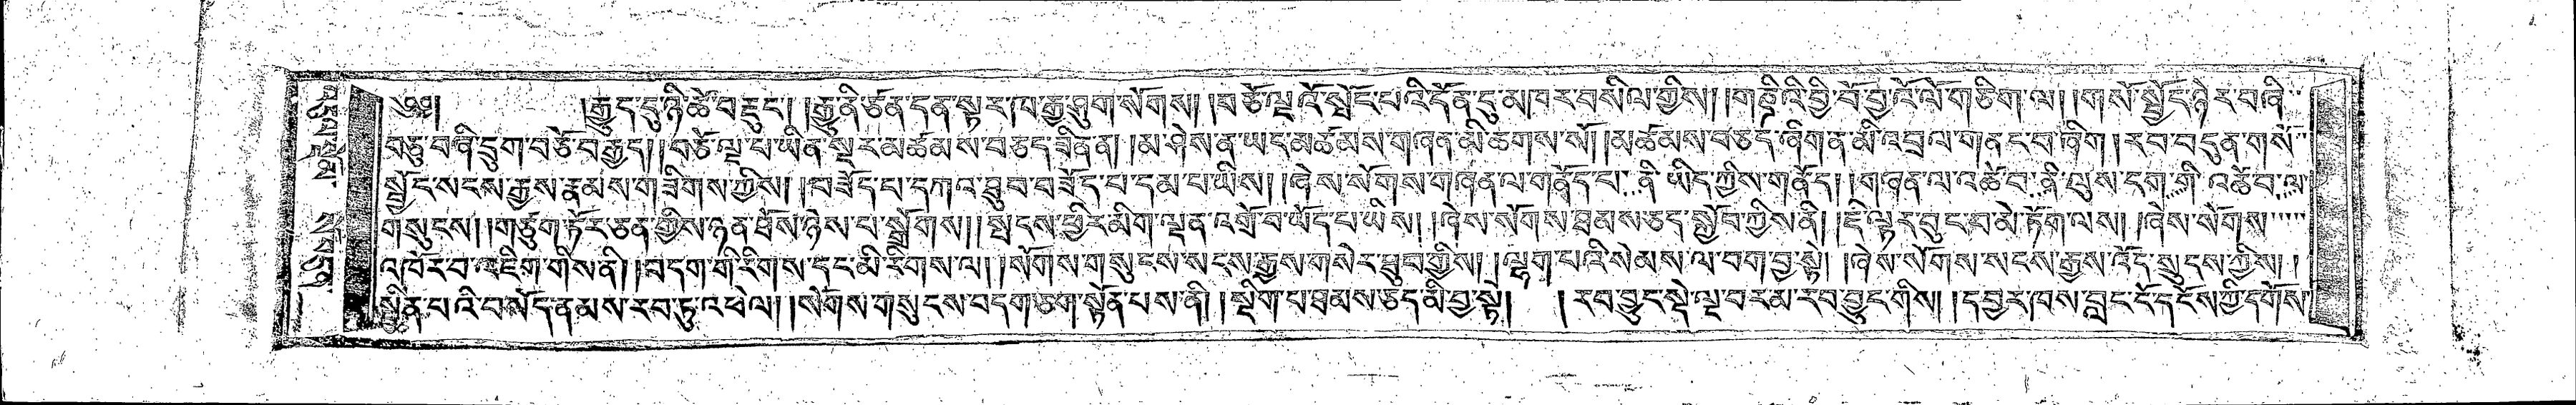༄༅། །རྒྱུད་དུ་ཉི་ཚེ་བརྡུང་། །རྒྱུ་ནི་ཙན་དན་སྟར་ཁ་རྒྱ་ཤུག་སོགས། །བཅོ་ལྔའོ་སྤོང་པའི་དོན་དུ་མཁར་བསིལ་གྱིས། །གཎྜིའི་བྱི་པོ་བྱ་འོ་ལོ་གཅིག་ལ། །གསོ་སྦྱོང་ཉེར་བཞི་
བཅུ་བཞི་དྲུག་བཅོ་བརྒྱད། །བཅོ་ལྔ་པ་ཡིན་སྔར་མཚམས་བཅད་ཟིན་ན། །མ་ཤེས་ན་ཡང་མཚམས་གཞན་མི་ཆགས་སོ། །མཚམས་བཅད་ཞིག་ན་མི་འབྲལ་གནང་བ་ཞིག །རབ་བདུན་གསོ་
སྦྱོང་སངས་རྒྱས་རྣམས་གཟིགས་ཀྱིས། །བཟོད་པ་དཀའ་ཐུབ་བཟོད་པ་དམ་པ་ཡིས། །ཞེས་སོགས་གཞན་ལ་གནོད་པ་ནི་ཡིད་ཀྱིས་གནོད། །གཞན་ལ་འཚེ་བ་ནི་ལུས་ངག་གི་འཚེ་བ་ལ་
གསུངས། །གཙུག་ཏོར་ཅན་གྱིས་ཉན་ཐོས་ཉེས་པ་སྒྲོགས། །སྤངས་ཕྱིར་མིག་ལྡན་འགྲོ་བ་ཡོད་པ་ཡིས། །ཞེས་སོགས་ཐམས་ཅད་སྐྱོབ་ཀྱིས་ནི། །ཇི་ལྟར་བུང་བ་མེ་ཏོག་ལས། །ཞེས་སོགས་
འཁོར་བ་འཇིག་གིས་ནི། །བདག་གི་རིགས་དང་མི་རིགས་ལ། །སོགས་གསུངས་སངས་རྒྱས་གསེར་ཐུབ་གྱིས། །ལྷག་པའི་སེམས་ལ་བག་བྱ་སྟེ། །ཞེས་སོགས་སངས་རྒྱས་འོད་སྲུངས་ཀྱིས། །
སྦྱིན་པའི་བསོད་ནམས་རབ་ཏུ་འཕེལ། །སོགས་གསུངས་བདག་ཅག་སྟོན་པས་ནི། །སྡིག་པ་ཐམས་ཅད་མི་བྱ་སྟེ། །རབ་བྱུང་སྡེ་ལྔ་བར་མ་རབ་བྱུང་གིས། །དབྱར་ཁས་བླང་ངོ་དངོས་ཀྱི་དགོས་